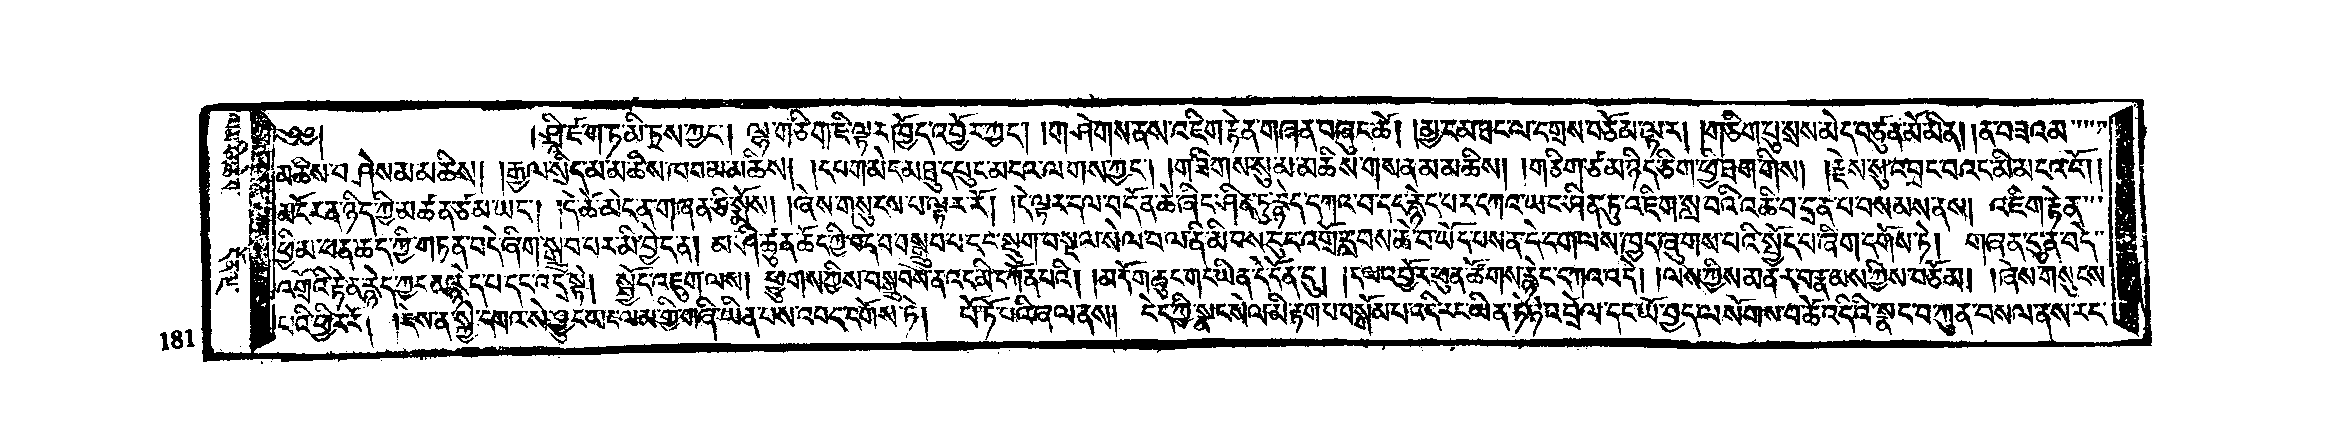༄༅། །ཤྲཱི་ཛ་ག་ཏ་མི་ཏྲས་ཀྱང་། ལྷ་གཅིག་ཇི་ལྟར་ཁྱོད་འབྱོར་ཀྱང་། །གཤེགས་ནས་འཇིག་རྟེན་གཞན་བཞུད་ཚེ། །མྱ་ངམ་ཐང་ལ་དགྲས་བཅོམ་ལྟར། །གཅིག་པུ་སྲས་མེད་བཙུན་མོ་མིན། །ན་བཟའ་མ་
མཆིས་བཤེས་མ་མཆིས། །རྒྱལ་སྲིད་མ་མཆིས་ཁབ་མ་མཆིས། །དཔག་མེད་མཐུ་དཔུང་མངའ་ལགས་ཀྱང་། །གཟིགས་སུ་མ་མཆིས་གསན་མ་མཆིས། །གཅིག་ཙམ་ཉིད་ཅིག་ཕྱི་ཐག་གིས། །རྗེས་སུ་འབྲང་བའང་མི་མངའ་འོ། །
མདོར་ན་ཉིད་ཀྱི་མཚན་ཙམ་ཡང་། །དེ་ཚེ་མེད་ན་གཞན་ཅི་སྨོས། །ཞེས་གསུངས་པ་ལྟར་རོ། །དེ་ལྟར་དལ་བ་དོན་ཆེ་ཞིང་ཤིན་ཏུ་རྙེད་དཀའ་བ་དང་རྙེད་པར་དཀའ་ཡང་ཤིན་ཏུ་འཇིག་སླ་བའི་འཆི་བ་དྲན་པ་བསམས་ནས། འཇིག་རྟེན་
ཕྱི་མ་ཕན་ཆད་ཀྱི་གཏན་བདེ་ཞིག་སྒྲུབ་པར་མི་བྱེད་ན། མ་ཤི་ཚུན་ཆོད་ཀྱི་བདེ་བ་བསྒྲུབ་པ་དང་སྡུག་བསྔལ་སེལ་བ་ལ་ནི་མི་བས་ངུད་འགྲོ་རླབས་ཆེ་བ་ཡོད་པས་ན་དེ་དག་ལས་ཁྱད་ཞུགས་པའི་སྤྱོད་པ་ཞིག་དགོས་ཏེ། གཞན་དུ་ན་བདེ་
འགྲོའི་རྟེན་རྙེད་ཀྱང་མ་རྙེད་པ་དང་འདྲ་སྟེ། སྦྱོད་འཇུག་ལས། ཕྱུགས་ཀྱིས་བསྒྲུབས་ནའང་མི་དཀོན་པའི། །མནོག་ཆུང་གང་ཡིན་དེ་དོན་དུ། །དལ་འབྱོར་ཕུན་ཚོགས་རྙེད་དཀའ་འདི། །ལས་ཀྱིས་མནར་བརྣམས་ཀྱི་སྦྕོམ། །ཞེས་གསུངས་
པའི་ཕྱིར་རོ། །དེས་ན་སྐྱེ་དཀའ་སེ་བྱུང་ཡང་ལམ་གྱི་གཞི་ཡིན་པས་འབད་དགོས་ཏེ། པོ་ཏོ་པའི་ཞལ་ནས། ངེད་ཀྱི་སྣང་སེལ་མི་རྟག་པ་བསྒོམ་པ་འདི་རང་ཡིན་ཏེ་ཉེ་འབྲེལ་དང་ཡོ་བྱད་ལ་སོགས་པ་ཚེ་འདིའི་སྣང་བ་ཀུན་བསལ་ནས་རང་